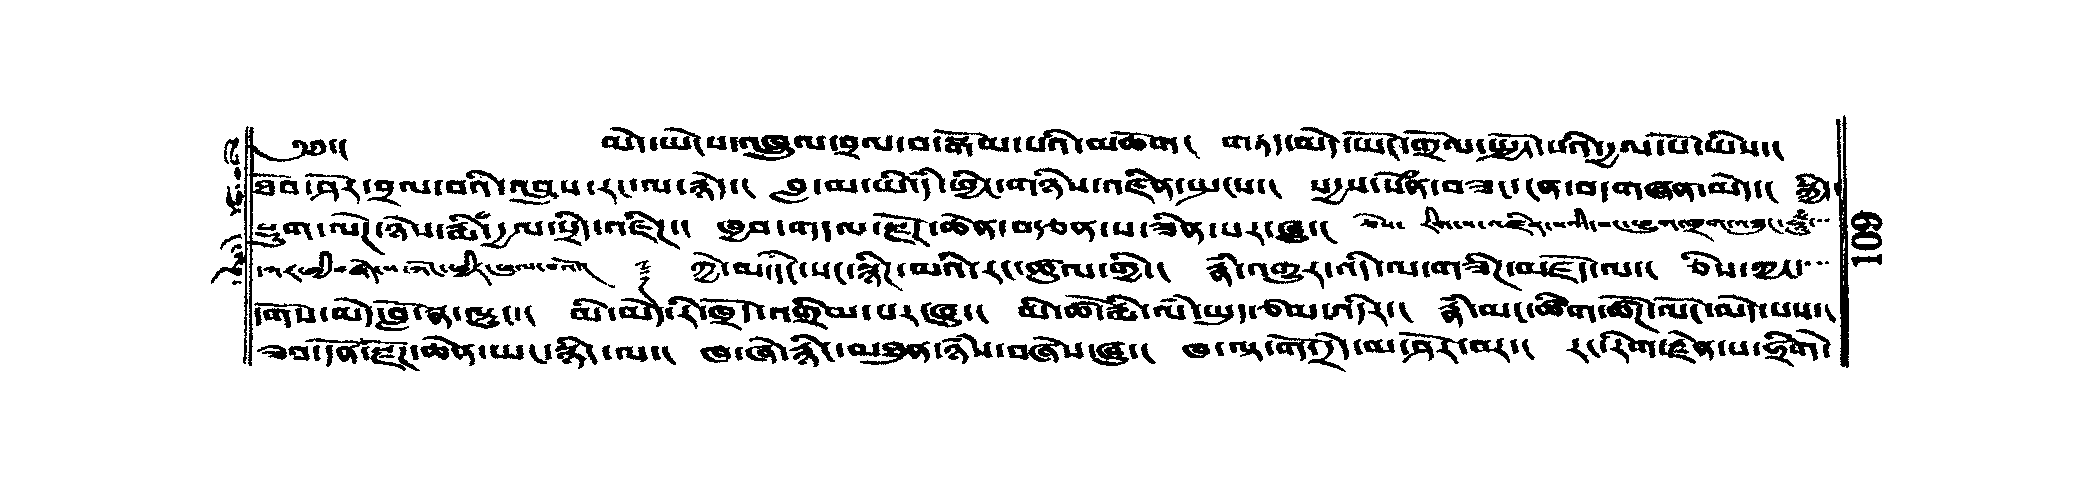མེད་གཡེང་འཁྲུལ་བྲལ་བ་སྒོམ་པའི་མཆོག །གཏད་མེད་ཡོངས་གྲོལ་སྤྱོད་པའི་རྒྱལ་པོ་ཡི། །
ཐོབ་ཤོར་བྲལ་བའི་འབྲས་བུ་རང་ལ་རྙེད། །བླ་མ་ཡི་དམ་ཕྱི་ནང་གཉིས་འཛིན་སྤངས། །སངས་རྒྱས་སེམས་ཅན་བཟང་ངན་བདག་གཞན་མེད། །སྐྱིད་
སྡུག་ལེགས་ཉེས་རྨི་ལམ་རྒྱལ་སྲིད་འཇིགས། །ཁྱབ་བརྡལ་རྫོགས་ཆེན་བཙན་ས་ཟིན་པར་ཞུ། །ཞེས་རིག་པ་འཛིན་པའི་དབང་ཕྱུག་ཁྲག་འཐུང་ཧཱུྃ་
དཀར་གྱི་་བཞེད་པ་ཀོང་ཕྱིར་ཕུལ་བའོ།། ༈ ཀྱེ་མ། དེང་སང་སྙིགས་མའི་རང་ཚུལ་གྱི། །རྣམ་འགྱུར་འདི་ལ་གཟིགས་མཛོད་ལ། །ཅིས་ཀྱང་
དགོས་མེད་བློ་སྣ་སྟུང་། །མི་མེད་རི་ཁྲོད་འགྲིམས་པར་ཞུ། །མིཚེ་རྨི་ལམ་ཡུད་ཙམ་འདིར། །རྣམ་མང་ཚིག་ཚོགས་ལོང་མེད་པས། །
ཟབ་དོན་རྫོགས་ཆེན་ཡང་རྙིང་ལ། །ཁ་ཞེ་རྙིང་མཐུན་ཉམས་བཞེས་ཞུ། །ཁ་ལྟ་གོ་དྲེད་མ་ཤོར་བར། །རང་རིག་རྗེན་པ་ཧྲིག་གེ་